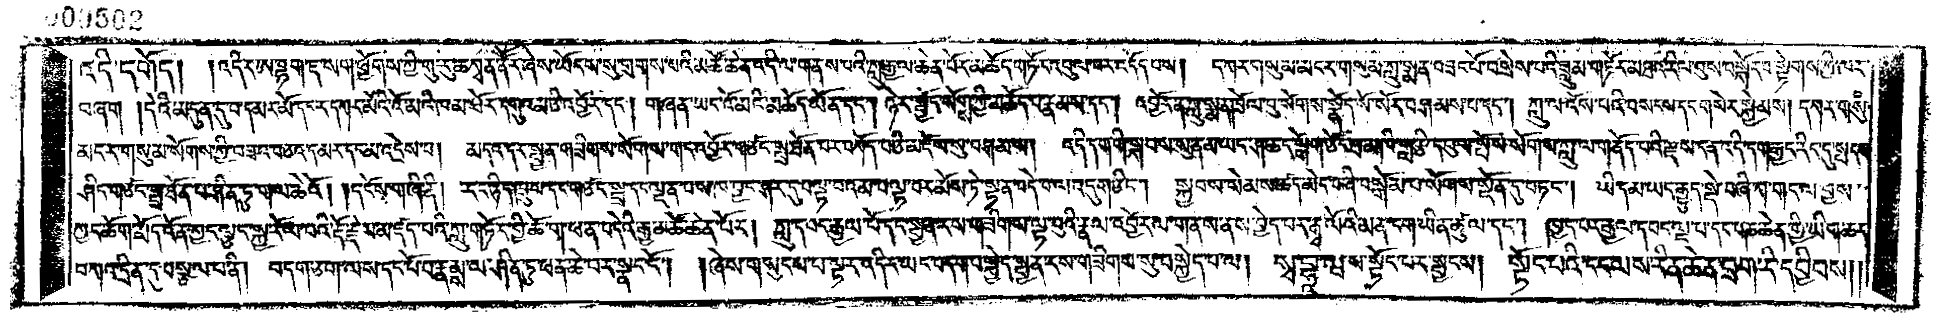འདི་དགོད། །འདིར་ཨ་བྷག་ཇ་སག་ཕྱོགས་ཀྱི་གུ་རུ་ཆ་ཀྭན་ནཽར་ཞེས་ཡོངས་སུ་གྲགས་པའི་མཚོ་ཆེན་འདི་ལ་གནས་པའི་ཀླུ་རྒྱལ་ཆེན་པོར་མཆོད་གཏོར་འབུལ་བར་འདོད་པས། དཀར་གསུམ་མངར་གསུམ་ཀླུ་སྨན་བཟང་པོ་བསྲེས་པའི་ཟླུམ་གཏོར་མཐའ་རིལ་བུས་བསྐོར་བ་སྟེགས་ཀྱི་ཁར་
བཞག །དེའི་མདུན་དུ་བ་དམར་མོ་དང་ར་དཀར་མོའི་འོ་མའི་ཁམ་ཐོར་དགུའམ་ཅི་འབྱོར་དང་། གཞན་ཡང་འོ་མའི་མཆོད་ཡོན་དང་། ཉེར་སྦྱོང་སོགས་ཀྱི་མཆོད་པ་རྣམས་དང་། འབྱོར་ན་ཀླུ་སྨན་ཁྲོལ་བུ་སོགས་སྣོད་སོ་སོར་བཤམས་པ་དང་། ཀླུ་ལ་འོས་པའི་བསངས་དང་གསེར་སྐྱེམས། དཀར་གསུཾ་
མངར་གསུམ་སོགས་ཀྱི་བཟའ་བཅའ་དམར་དང་མ་འདྲེས་པ། མདའ་དར་སྤྱན་གཟིགས་སོགས་གང་འབྱོར་གཙང་སྤྲ་ཐོན་པར་བཀོད་བཅི་མཛེས་སུ་བཤམས། འདི་དག་གི་སྐབས་སུ་ནམ་ཡང་ཤ་ཆད་སྒོག་ཙོང་ཐ་མ་ཁི་གླ་རྩི་དབུས་སྤོས་སོགས་ཀླུ་ལ་གནོད་པའི་རྫས་ངན་འདི་དག་རྒྱང་རིང་དུ་སྤངས་
ཤིང་གཙང་སྤྲ་ཐོན་པ་ཤིན་ཏུ་གལ་ཆེའོ། །དངོས་གཞི་ནི། རང་ཉིད་ཁྲུས་དང་གཙང་སྦྲ་དང་ལྡན་པས་ཁ་བྱང་ཤར་དུ་བལྟ་བའམ་བལྟ་བར་མོས་ཏེ་སྟན་བདེ་བ་ལ་འདུག་ཅིང་། སྐྱབས་སེམས་ཚད་མེད་བཞི་བསྒོམ་པ་སོགས་སྔོན་དུ་བཏང་། ཡི་དམ་ཡང་རྒྱུད་སྡེ་བཞི་ཀ་གང་ལ་བྱས་
ཀྱང་ཆོག་མོད་འོན་ཀྱང་ལྕང་སྐྱ་རོལ་བའི་རྡོ་རྗེས་མཛད་པའི་ཀླུ་གཏོར་གྱི་ཆོ་ག་ཕན་བདེའི་རྒྱ་མཚོ་ཆེན་པོར། ཀླུ་དབང་རྒྱལ་པོ་དང་སྤྱན་རས་གཟིགས་ལྟ་བུའི་རྣལ་འབྱོར་ལ་གནས་ནས་བྱེད་པར་རྒྭ་ལོའི་མན་ངག་ཡིན་ཚུལ་དང་། ཁྱད་པར་རྒྱལ་དབང་ལྔ་པ་དང་པཎ་ཆེན་གྱི་ཡིག་ཆར་
བཀའ་དྲིན་དུ་བསྩལ་པ་ནི། བདག་ཅག་ལས་དང་པོ་པ་རྣམས་ལ་ཤིན་ཏུ་ཕན་ཆེ་བར་སྣང་ངོ། །ཞེས་གསུངས་པ་ལྟར་འདིར་ཡང་བདག་བསྐྱེད་སྤྱན་རས་གཟིགས་སུ་བསྐྱེད་པ་ལ། སྭ་བྷཱ་ཝས་སྟོང་པར་སྦྱངས། སྟོང་པའི་ངང་ལས་རིན་ཆེན་བྲག་རི་དབྱིབས། །